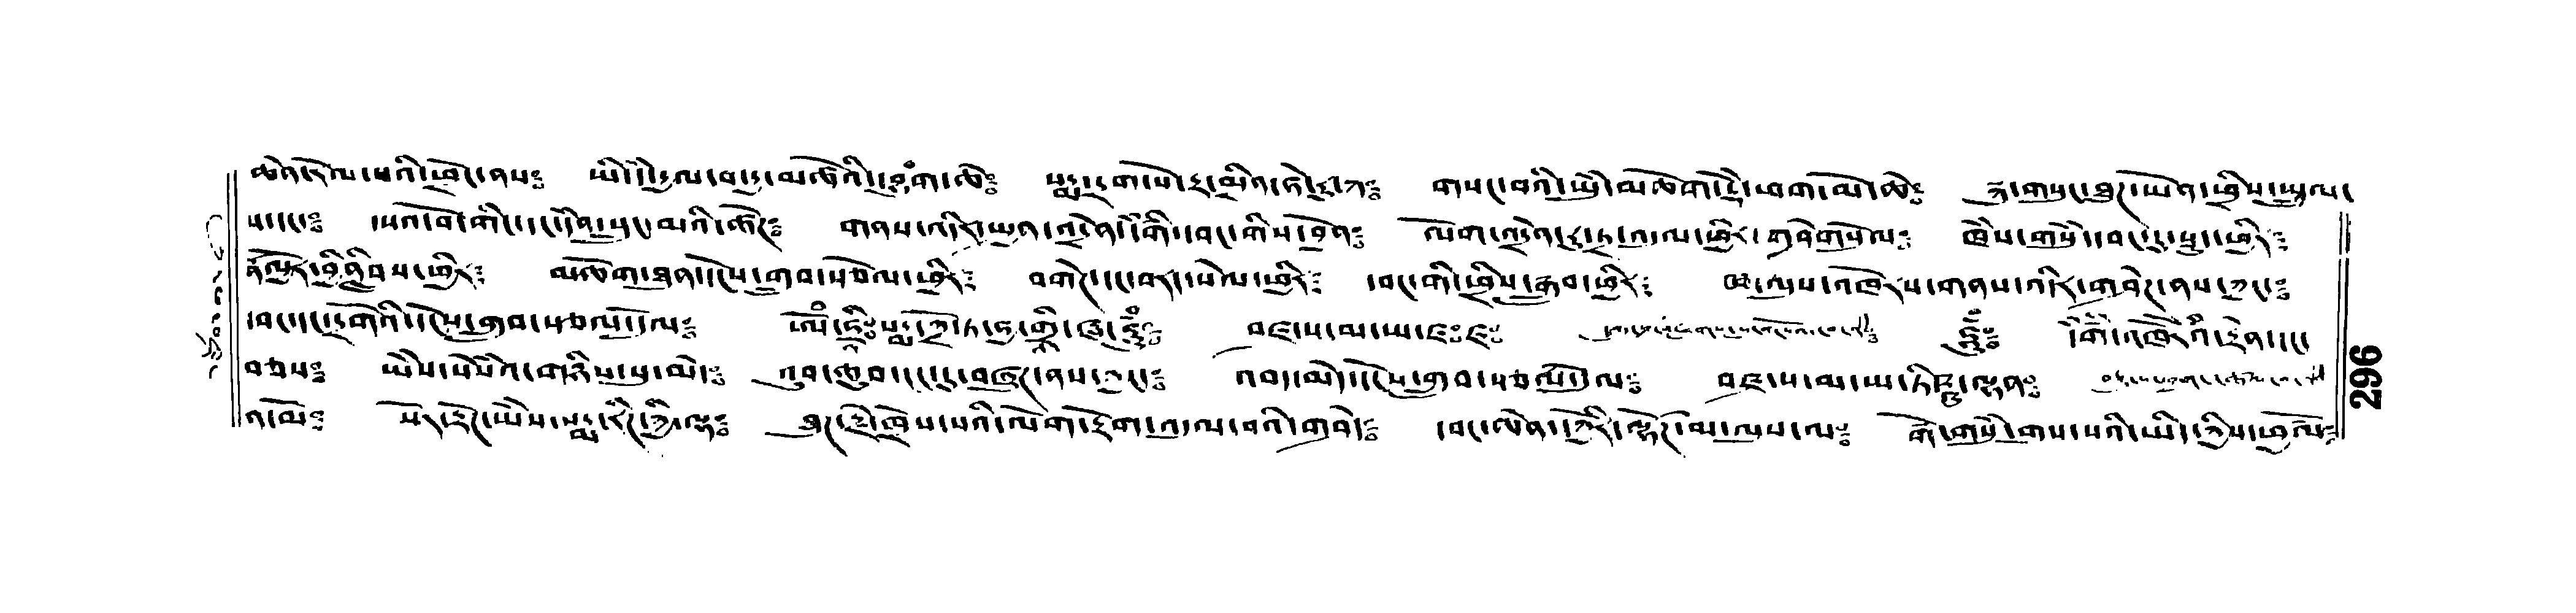ཆེན་རོལ་པའི་ཕོ་བྲང་ནས༔ ཡི་དམ་རྒྱལ་བ་རྒྱ་མཚོའི་དབང་ཕྱུག་ཆེ༔ པདྨ་དྲག་པོ་རྟ་མགྲིན་ཧེ་རུ་ཀ༔ གསང་བའི་ཡུམ་མཆོག་རྡོ་རྗེ་ཕག་མོ་ཆེ༔ སྐུ་གསུང་ཐུགས་ཡོན་ཕྲིན་ལས་སྤྲུལ་
པ་དང༔ དཔའ་བོ་གིང་དང་དམ་ཅན་སྲུང་མའི་ཚོགས༔ གནས་འདིར་སྤྱན་འདྲེན་དམ་ཚིག་དབང་གིས་བྱོན༔ ལོག་འདྲེན་རུ་ཏྲ་འདུལ་ཕྱིར་གཤེགས་སུ་གསོལ༔ ཁམས་གསུམ་དབང་དུ་སྡུད་ཕྱིར༴ 
རྣལ་འབྱོར་བྱིན་གྱིས་རློབ་ཕྱིར༴ མཆོག་ཐུན་དངོས་གྲུབ་སྩོལ་ཕྱིར༴ བགེགས་དང་བར་ཆད་སེལ་ཕྱིར༴ དབང་གི་ཕྲིན་ལས་སྒྲུབ་ཕྱིར༴ མ་ལུས་འཁོར་བཅས་གནས་འདིར་གཤེགས་ནས་ཀྱང༔ 
དབང་དང་དྲག་པོའི་དངོས་གྲུབ་སྩལ་དུ་གསོལ༔ ཨོཾ་ཧྲཱིཿཔདྨ་ཀྲོ་ཏ་ཧྱ་གྲཱི་ཝ་ཧཱུྃ༔བཛྲ་ས་མ་ཡ་ཛཿཛཿ དགུ་པ་བཞུགས་སུ་གསོལ་བ་ནི༔ ཧཱུྃ༔ དམ་ཚིག་འཁོར་ལོའི་རྟེན་དང་
བཅས༔ ཡེ་ཤེས་སེམས་དཔའ་གཉིས་སུ་མེད༔ འུབ་ཆུབ་ངང་དུ་བཞུགས་ནས་ཀྱང༔ འབད་མེད་དངོས་གྲུབ་བསྩལ་དུ་གསོལ༔ བཛྲ་ས་མ་ཡ་ཏིཥྛ་ལྷན༔ བཅུ་པ་ཕྱག་འཚལ་བ་ནི༔ 
ན་མོ༔ སོར་རྟོགས་ཡེ་ཤེས་པདྨ་རིགས་ཀྱི་ལྷ༔ ཐུགས་རྗེ་ཁྲོས་པ་ལོག་རྟོག་འདུལ་བའི་གཤེད༔ དབང་ཆེན་དཀྱིལ་འཁོར་ལྷ་ཚོགས་མ་ལུས་ལ༔ སྒོ་གསུམ་གུས་པའི་ཡིད་ཀྱིས་ཕྱག་འཚལ་ལོ༔